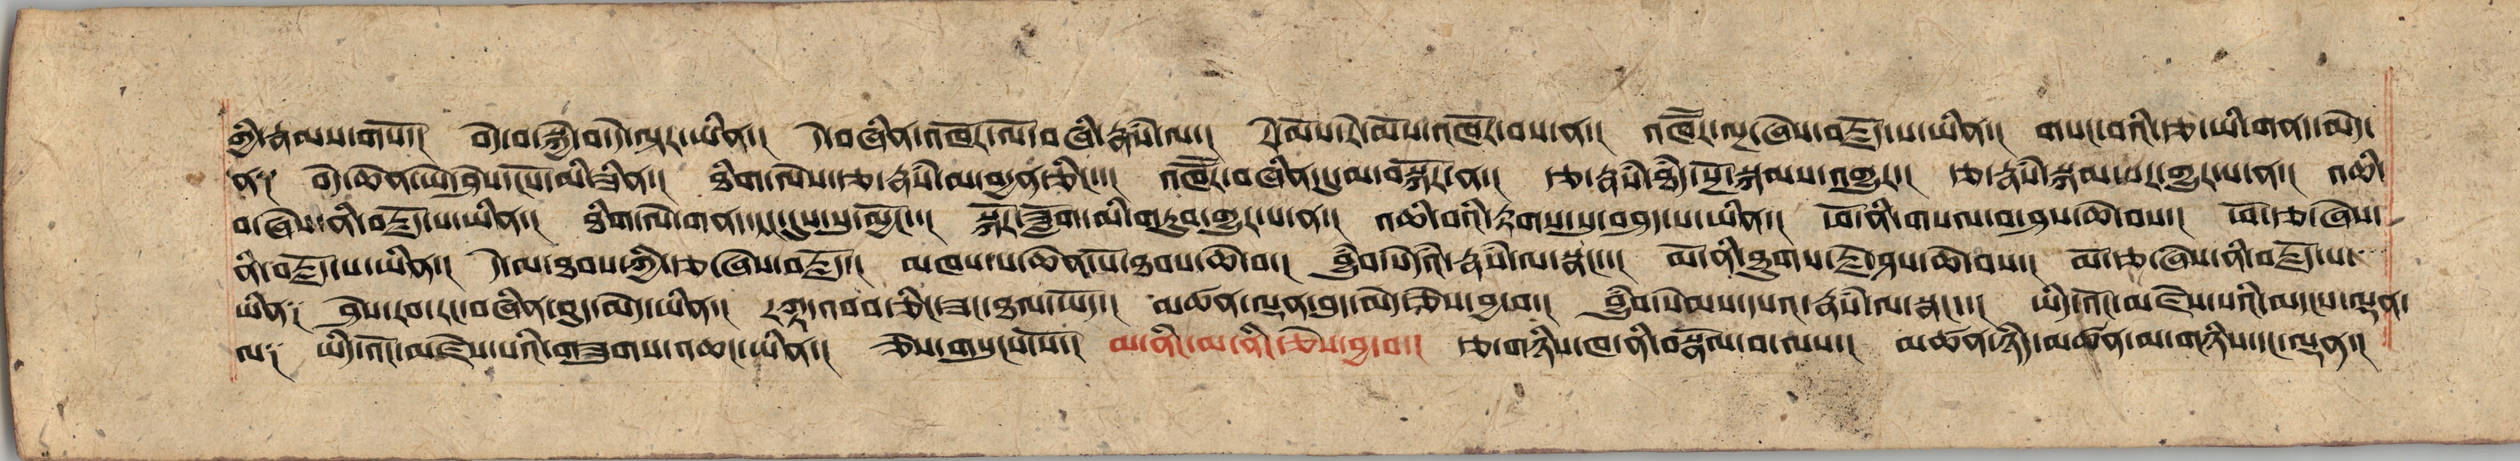གྱི་རྣམས་གསོ་། བདེ་བ་སྐྱེ་བ་དེ་ལྟར་ཡིན་། དེ་བཞིན་འཁོར་ལོ་བཞིན་རྣཾས་ལ་། རེ་མོས་རེ་མོས་འཁོར་བས་ན་། འཁཽར་ལྔ་ཞེས་བརྗོད་པ་ཡིན་། གསང་བའི་རྩ་ཡི་གནད་མེད་
ན༑ བདེ་ཆེན་ཡེ་ཤེས་ངོས་མི་ཟིན་། ཐིག་ལེས་རྩ་རྣཾས་མ་བདྱན་ཅིང་་། འཁཽར་བཞིན་དུ་མ་བསྐོར་ན་། རྩ་རྣཾས་ཐཾད་སྔོ་སྐམས་འགྱུར་། རྩ་རྣཾས་སྐམ་བར་གྱུར་པ་ན་། འཆི་
བ་ཞེས་ནི་བརྗོད་པ་ཡིན་། ཐིག་ལེ་གནད་དང་དུས་སུ་མྱོང་། སྐོར་ཟློག་མི་གཏུབ་གྱུར་པ་ན་། འཆི་བའི་རྟགས་སུ་བཤད་པ་ཡིན་། ཕོ་ནི་གསལ་བ་ཤས་ཆེ་བས་། ཕོ་རྩ་ཞེས་
ནི་བརྗོད་པ་ཡིན་། དེ་ལ་ཐབས་གྱི་རྩ་ཞེས་བརྗོད་། མཁས་པ་ཆེན་པོ་ཐབས་ཆེ་བ་། བྱུཾབ་སེདཾའ་རྣཾས་ལ་སྣང་་། མོ་ནི་ཐུགས་རྗེ་ཤས་ཆེ་བས་། མོ་རྩ་ཞེས་ནི་བརྗོད་པ་
ཡིན་༑ ཤེས་རབ་རང་བཞིན་བུད་མེད་ཡིན་། རཀྟ་འབབ་ཅིང་ཟང་ཐལ་ཡོད་། མཚན་ལྡན་བུད་མེད་ཅེས་བྱ་བ་། བྱུཾབ་སེམས་དཔའ་རྣཾས་ལ་སྣང་་། ཡིད་འོང་མཛེས་པའི་མདངས་ལྡན་
ལ༑ ཡིད་འོང་མཛེས་པའི་གཟུགས་འཆང་ཡིན་། ཅེས་གསུངས་སོ་། མ་ནིང་མ་ནིང་ཅེས་བྱ་བ་། རྩ་གཉིས་ཁ་ནི་བསྣལ་བ་ལས་། མཚན་ཉིད་མཚན་མ་གཉིས་དང་ལྡན་།